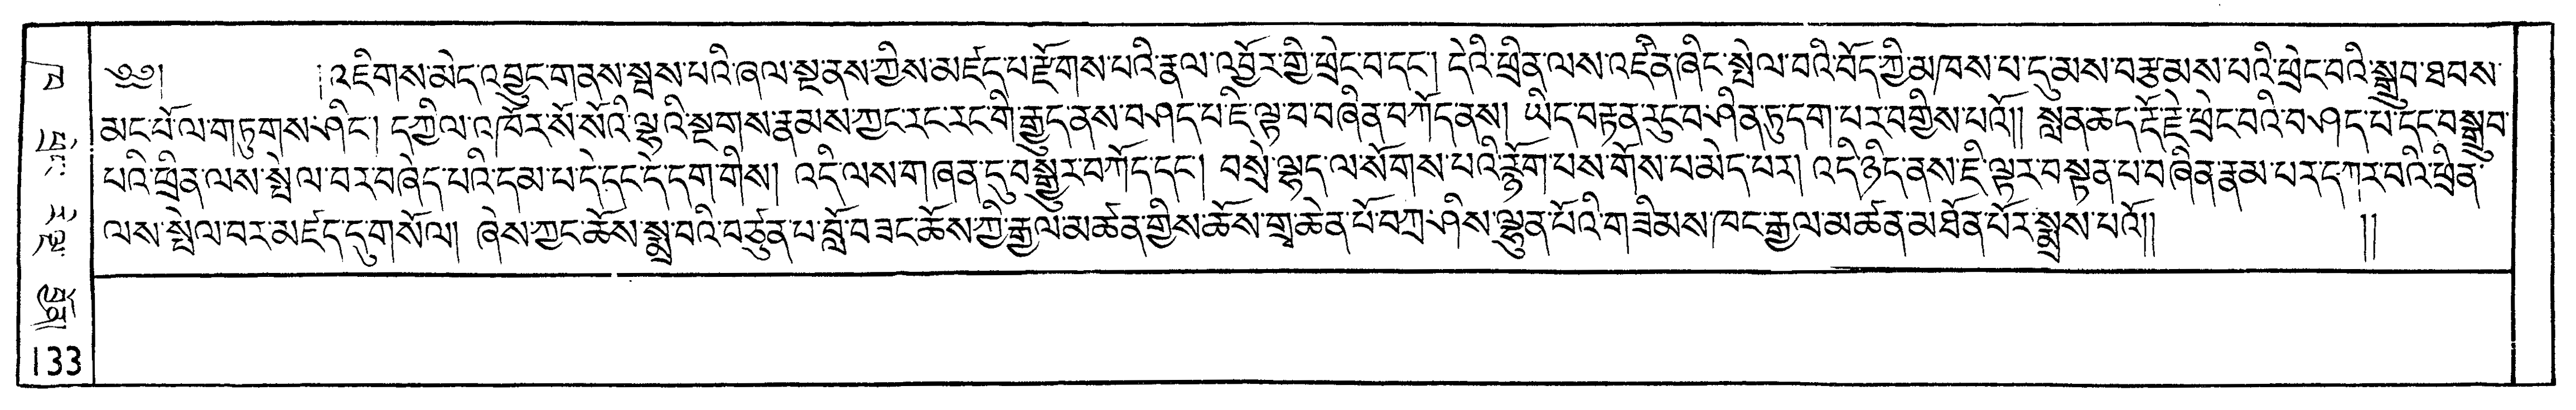༄༅། །འཇིགས་མེད་འབྱུང་གནས་སྦས་པའི་ཞལ་སྔ་ནས་ཀྱིས་མཛད་པ་རྫོགས་པའི་རྣལ་འབྱོར་གྱི་ཕྲེང་བ་དང་། དེའི་ཕྲིན་ལས་འཛིན་ཞིང་སྤེལ་བའི་བོད་ཀྱི་མཁས་པ་དུ་མས་བརྩམས་པའི་ཕྲེང་བའི་སྒྲུབ་ཐབས་
མང་པོ་ལ་གཏུགས་ཤིང་། དཀྱིལ་འཁོར་སོ་སོའི་ལྷའི་སྔགས་རྣམས་ཀྱང་རང་རང་གི་རྒྱུད་ནས་བཤད་པ་ཇི་ལྟ་བ་བཞིན་བཀོད་ནས། ཡིད་བརྟན་རུང་བ་ཤིན་ཏུ་དག་པར་བགྱིས་པའོ།། སླན་ཆད་རྡོ་རྗེ་ཕྲེང་བའི་བཤད་པ་དང་བསྒྲུབ་
པའི་ཕྲིན་ལས་སྤེལ་བར་བཞེད་པའི་དམ་པ་དེ་དང་དེ་དག་གིས། འདི་ལས་གཞན་དུ་བསྒྱུར་བཀོད་དང་། བསྲེ་ལྷད་ལ་སོགས་པའི་རྙོག་པས་གོས་པ་མེད་པར། འདི་ཉིད་ནས་ཇི་ལྟར་བསྟན་པ་བཞིན་རྣམ་པར་དཀར་བའི་ཕྲིན་
ལས་སྤེལ་བར་མཛད་དུ་གསོལ། ཞེས་ཀྱང་ཆོས་སྨྲ་བའི་བཙུན་པ་བློ་བཟང་ཆོས་ཀྱི་རྒྱལ་མཚན་གྱིས་ཆོས་གྲྭ་ཆེན་པོ་བཀྲ་ཤིས་ལྷུན་པོའི་གཟིམས་ཁང་རྒྱལ་མཚན་མཐོན་པོར་སྨྲས་པའོ།། །།